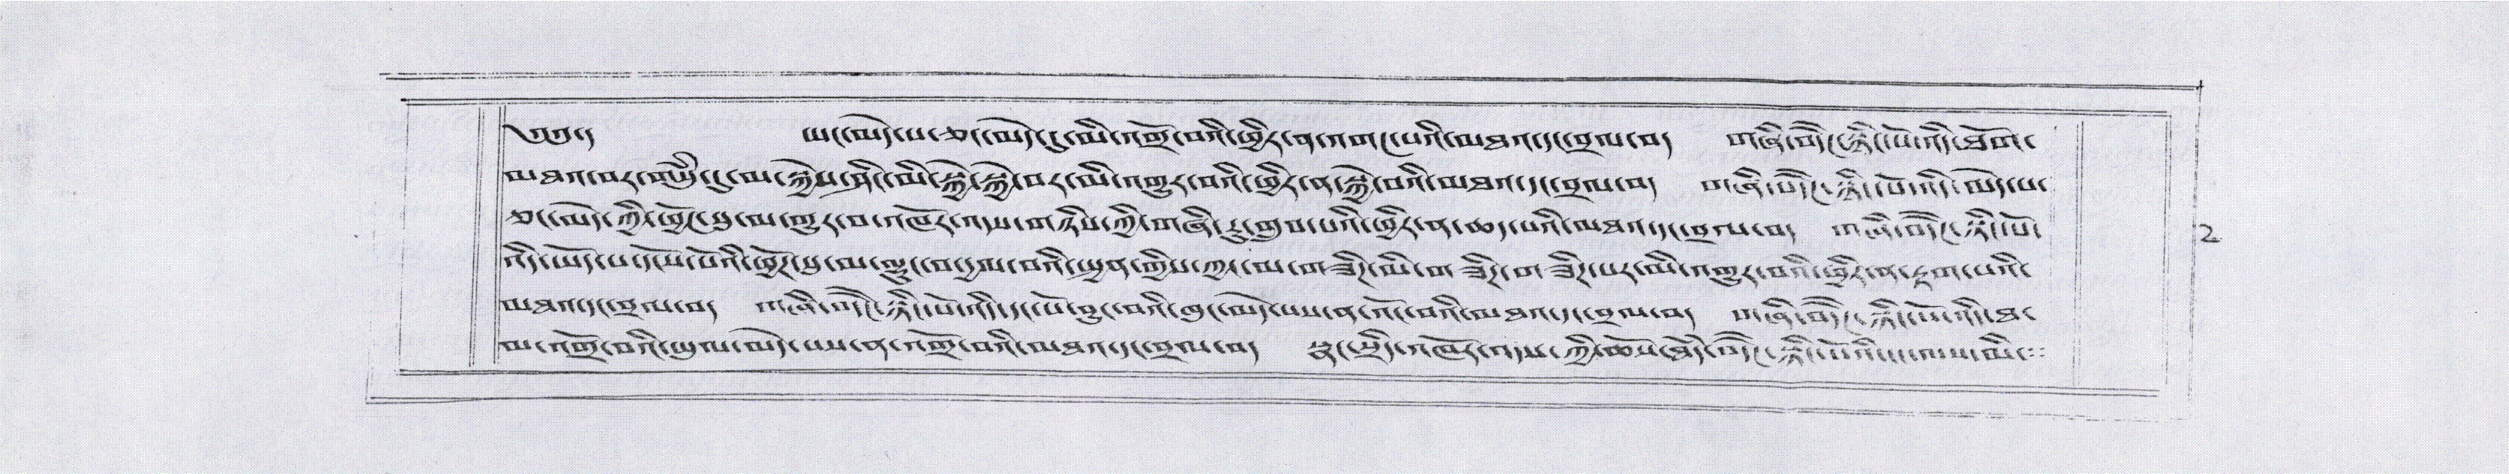ཡང་མེད་པ་ཅང་མེད་དུ་མི་འགྲོ་བའི་ཕྱིར་ན་འགགས་པའི་མཐའ་དང་བྲལ་བ། གཞི་བདེ་གཤེགས་སྙིང་པོ་འདི་ཐོག་
མཐའ་བར་གསུམ་དུ་མ་སྐྱེས་ཤིང་མི་སྐྱེ་སྐྱེ་བར་མི་འགྱུར་བའི་ཕྱིར་ན་སྐྱེ་བའི་མཐའ་དང་བྲལ་བ། གཞི་བདེ་གཤེགས་སྙིང་པོ་འདི་མེད་པ་
ཅང་མེད་ཀྱི་ཕྱོགས་སུ་མ་གྱུར་བ་འཁོར་འདས་གཉིས་ཀྱི་གཞི་རུ་གྲུབ་པའི་ཕྱིར་ན་ཆད་པའི་མཐའ་དང་བྲལ་བ། གཞི་བདེ་གཤེགས་སྙིང་པོ་
འདི་ཡོད་པ་དངོས་པོའི་ཕྱོགས་སུ་མ་ལྷུང་བ་རྒྱལ་བའི་སྤྱན་གྱིས་ཀྱང་མ་གཟིགས་མི་གཟིགས་གཟིགས་པར་མི་འགྱུར་བའི་ཕྱིར་ན་རྟག་པའི་
མཐའ་དང་བྲལ་བ། གཞི་བདེ་གཤེགས་སྙིང་པོ་འདི་དང་པོ་བྱུང་བའི་ཁུང་མེད་པས་ན་འོང་བའི་མཐའ་དང་བྲལ་བ། གཞི་བདེ་གཤེགས་སྙིང་པོ་འདི་ཐ་
མ་འགྲོ་བའི་ཡུལ་མེད་པས་ན་འགྲོ་བའི་མཐའ་དང་བྲལ་བ། སྣང་སྲིད་འཁོར་འདས་ཀྱི་ཆོས་ཐམས་ཅད་བདེ་གཤེགས་སྙིང་པོའི་ངང་ལས་མི་